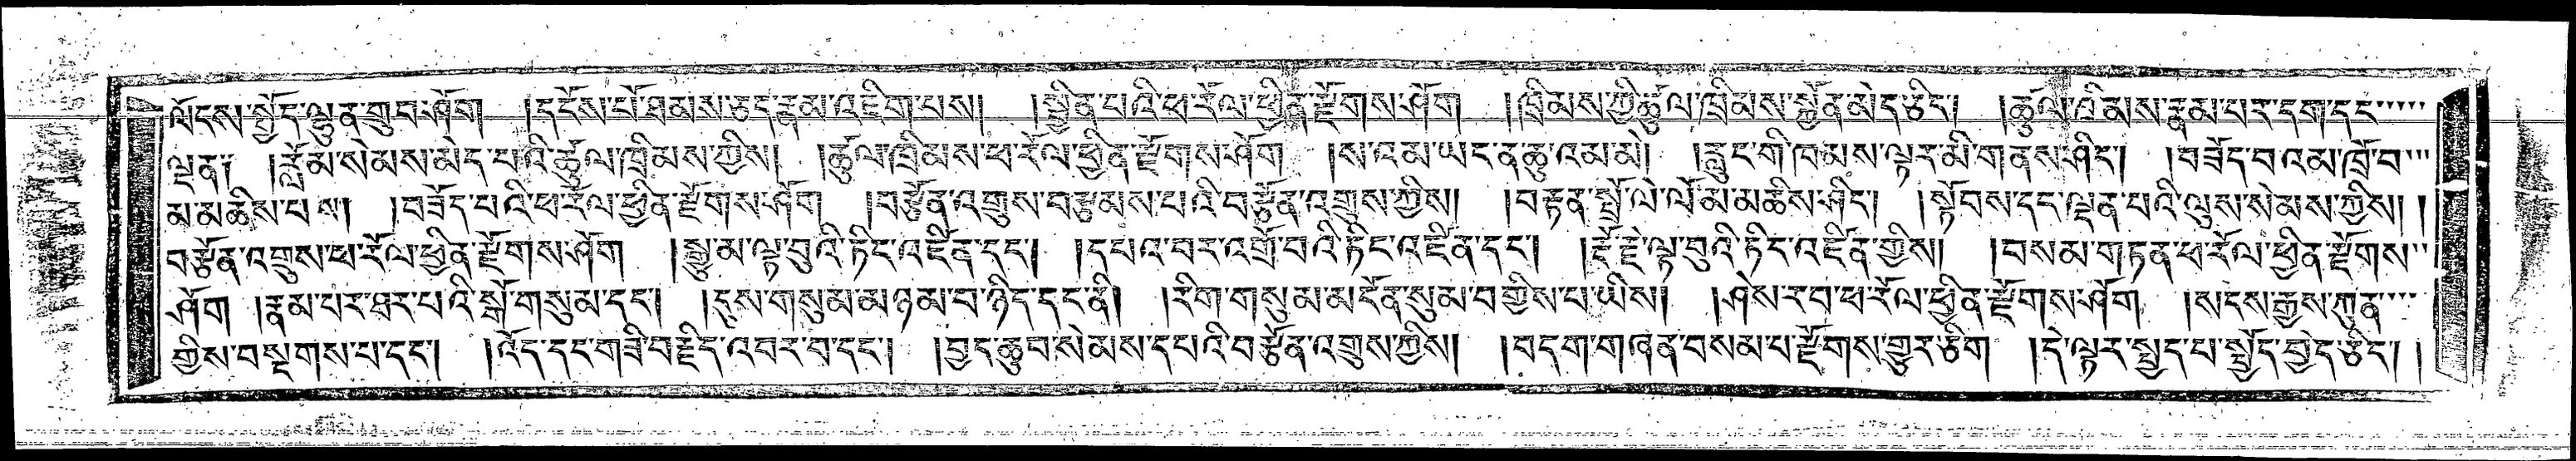ལོངས་སྤྱོད་ལྷུན་གྲུབ་ཤོག །དངོས་པོ་ཐམས་ཅད་རྣམ་འཇིག་པས། །སྦྱིན་པའི་ཕ་རོལ་ཕྱིན་རྫོགས་ཤོག །ཁྲིམས་ཀྱི་ཚུལ་ཁྲིམས་སྐྱོན་མེད་ཅིང་། །ཚུལ་ཁྲིམས་རྣམ་པར་དག་དང་
ལྡན༑ ༑རློམ་སེམས་མེད་པའི་ཚུལ་ཁྲིམས་ཀྱིས། །ཚུལ་ཁྲིམས་ཕ་རོལ་ཕྱིན་རྫོགས་ཤོག །ས་འམ་ཡང་ན་ཆུ་འམ་མེ། །རླུང་གི་ཁམས་ལྟར་མི་གནས་ཤིང་། །བཟོད་པའམ་ཁྲོ་བ་
མ་མཆིས་པས། །བཟོད་པའི་ཕ་རོལ་ཕྱིན་རྫོགས་ཤོག །བརྩོན་འགྲུས་བརྩམས་པའི་བརྩོན་འགྲུས་ཀྱིས། །བརྟན་སྤྲོ་ལེ་ལོ་མ་མཆིས་ཤིང་། །སྟོབས་དང་ལྡན་པའི་ལུས་སེམས་ཀྱིས། །
བརྩོན་འགྲུས་ཕ་རོལ་ཕྱིན་རྫོགས་ཤོག །སྒྱུ་མ་ལྟ་བུའི་ཏིང་འཛིན་དང་། །དཔའ་བར་འགྲོ་བའི་ཏིང་འཛིན་དང་། །རྡོ་རྗེ་ལྟ་བུའི་ཏིང་འཛིན་གྱིས། །བསམ་གཏན་ཕ་རོལ་ཕྱིན་རྫོགས་
ཤོག །རྣམ་པར་ཐར་པའི་སྒོ་གསུམ་དང་། །དུས་གསུམ་མཉམ་པ་ཉིད་དང་ནི། །རིག་གསུམ་མངོན་སུམ་བགྱིས་པ་ཡིས། །ཤེས་རབ་ཕ་རོལ་ཕྱིན་རྫོགས་ཤོག །སངས་རྒྱས་ཀུན་
གྱིས་བསྔགས་པ་དང་། །འོད་དང་གཟི་བརྗིད་འབར་བ་དང་། །བྱང་ཆུབ་སེམས་དཔའི་བརྩོན་འགྲུས་ཀྱིས། །བདག་གཞན་བསམ་པ་རྫོགས་གྱུར་ཅིག །དེ་ལྟར་སྤྱད་པ་སྤྱོད་བྱེད་ཅིང་། །